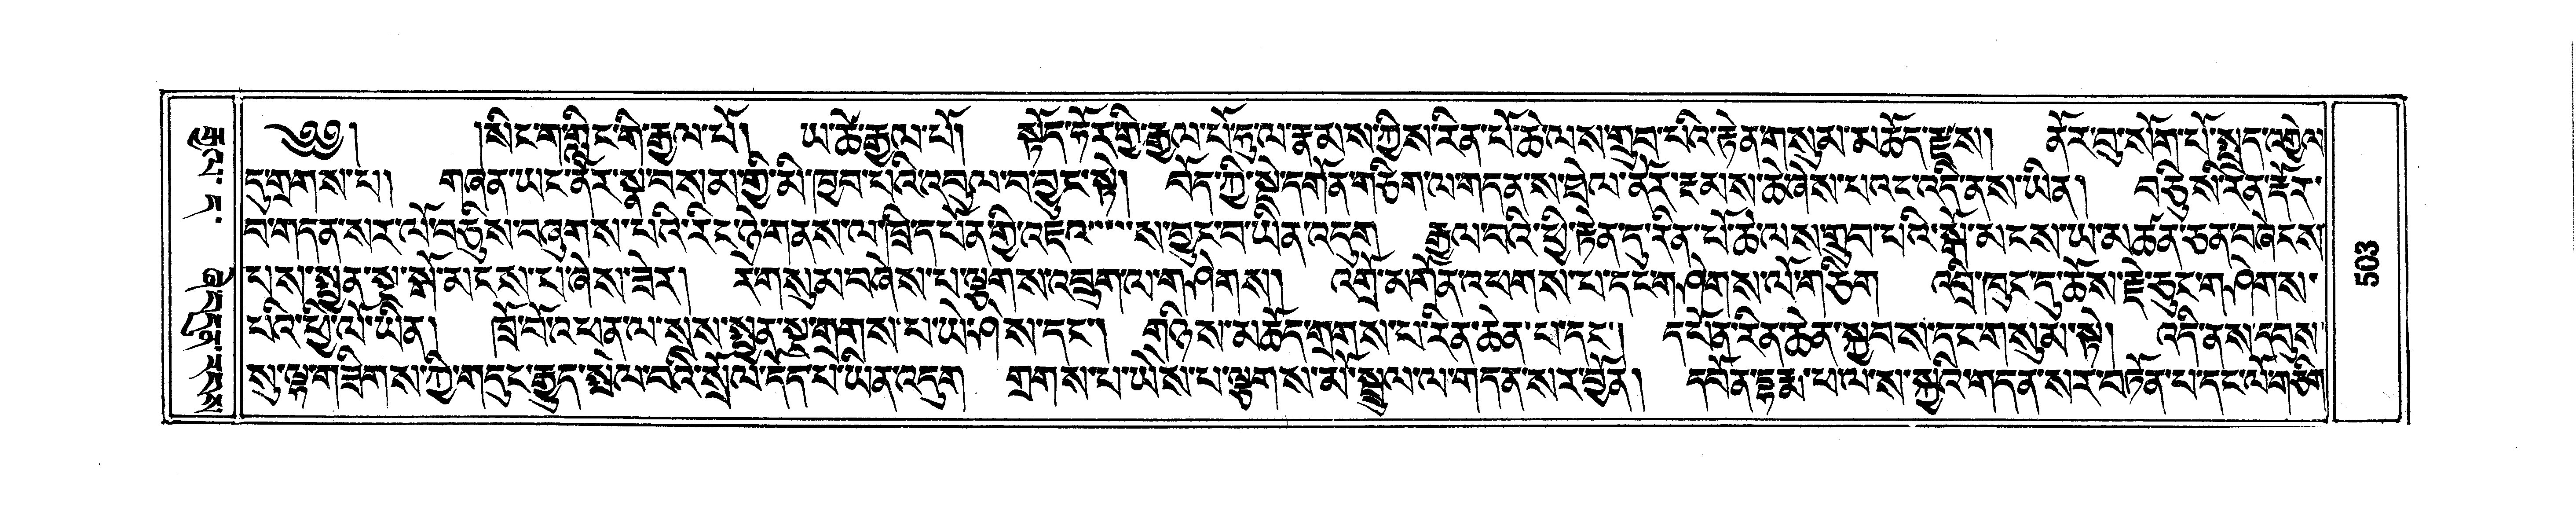༄༅། །སིང་ག་གླིང་གི་རྒྱལ་པོ། ཡ་ཚེ་རྒྱལ་པོ། སྟོད་ཧོར་གྱི་རྒྱལ་པོ་ཧུ་ལ་རྣམས་ཀྱིས་རིན་པོ་ཆེ་ལས་གྲུབ་པའི་རྟེན་གསུམ་མཆོད་རྫས། ནོར་བུ་སོག་པོ་སྤྲད་འགྱེལ་
དུ་གྲགས་པ། གཞན་ཡང་ནོར་སྣ་བསམ་གྱི་མི་ཁྱབ་པའི་འབུལ་བ་བྱུང་སྟེ། བོད་ཀྱི་སྡེ་དགོན་གཅིག་ལ་གདན་ས་ཐེལ་ནོར་རྔམས་ཆེ་ཞེས་པའང་འདི་ནས་ཡིན། བཅུཨིས་རིན་རྡོར་
བ་གདན་སར་ལོ་བཅུཨིས་བཞུགས་པའི་རིང་ཉེ་གནས་ལ་ཁྲི་དཔོན་གྱི་འཇའ་ས་བྱུང་བ་ཡིན་འདུག །རྒྱལ་བའི་ཕྱི་རྟེན་དུ་རིན་པོ་ཆེ་ལས་གྲུབ་པའི་སྒོ་མངས་ཡ་མཚན་ཅན་བཞེངས་
པས་སྤྱན་སྔ་སྒོ་མངས་པ་ཞེས་ཟེར། རེ་གསུམ་བཞེས་པ་ལྕགས་འབྲུག་ལ་གཤེགས། འགྲོ་མགོན་འཕགས་པ་དང་གཤེགས་ལོ་གཅིག །འབྲི་ཁུང་དུ་ཆོས་རྗེ་ཅུང་གཤེགས་
པའི་ཕྱི་ལོ་ཡིན། ཁྲོ་བོ་འཕན་ལ་སྲས་སྤྱན་སྔ་གྲགས་པ་ཡེ་ཤེས་དང་། གཉིས་མཆོད་གྲགས་པ་རིན་ཆེན་པ་དང་། དཔོན་རིན་ཆེན་སྐྱབས་དང་གསུམ་སྟེ། འདི་ནས་དབུས་
སུ་ལྷ་གཟིགས་ཀྱི་གདུང་རྒྱུད་སྤེལ་བའི་སྲོལ་དོད་པ་ཡིན་འདུག་གྲགས་པ་ཡེས་པ་ལྕགས་མོ་སྦྲུལ་ལ་གདན་སར་བྱོན། དབོན་དྷརྨ་ཕ་ལ་ས་སྐྱའི་གདན་སར་བཏོན་པ་དང་ལོ་གཅིག་